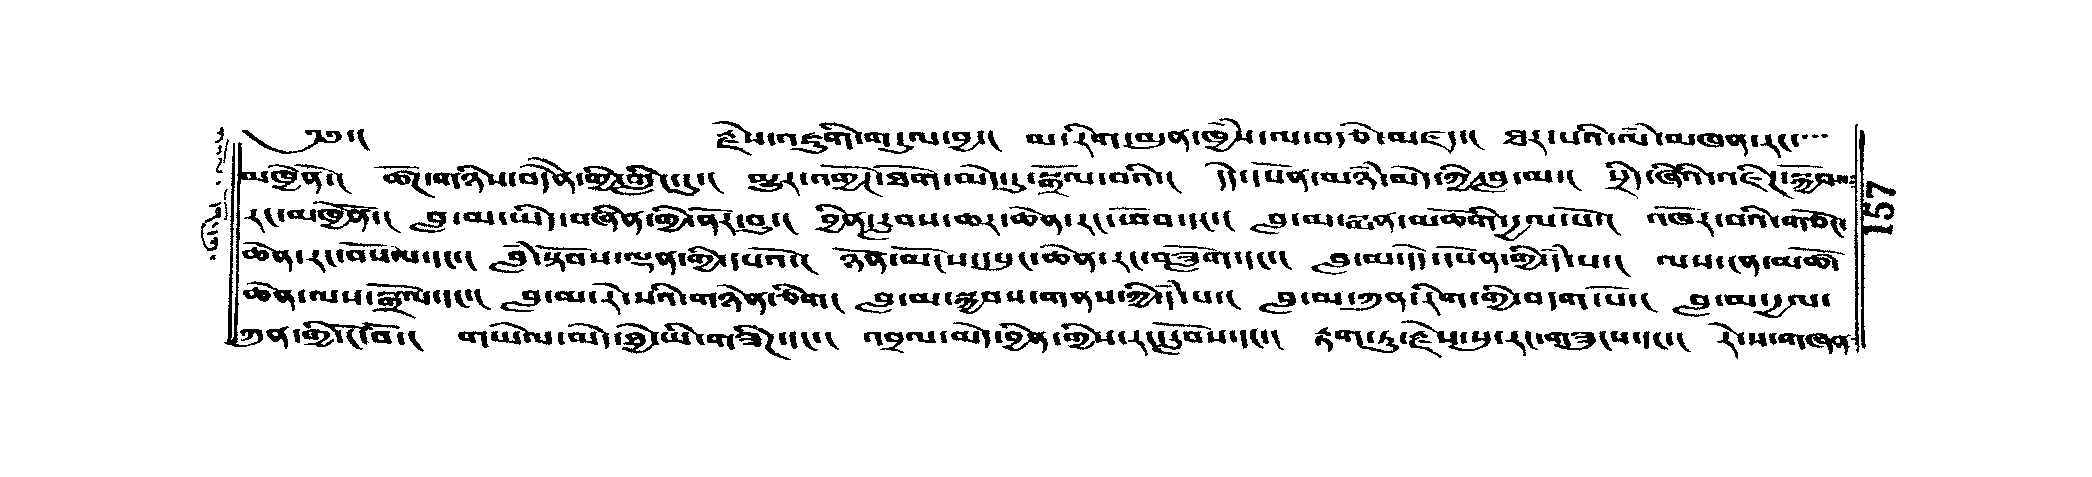རྗེས་འཇུག་གི་གདུལ་བྱ། །མ་རིག་མུན་འཁྱམས་ལ་བརྩེ་མཛད། །ཐར་པའི་ལམ་མཁན་རང་
མཁྱེན་ནོ། །ཚོགས་གཉིས་བདེ་ཆེན་གྱི་གླིང་དུ། །མྱུར་མགྱོགས་ཐོགས་མེད་དུ་སྒྲོལ་བའི། །དེད་དཔོན་མཉམ་མེད་ཀྱི་བླ་མ། །སྲིད་ཞིའི་འཇིགས་སྐྱོབས་
རང་མཁྱེན་ནོ། །བླ་མ་ཡིད་བཞིན་གྱི་ནོར་བུ། །བྱིན་རླབས་ཆར་ཆེན་རང་ཕོབས་དང་། །བླ་མ་སྨན་མཆོག་གི་རྒྱལ་པོ། །འཁོར་བའི་གཅོང་
ཆེན་རང་སོལ་དང་། །བླ་མ་སྟོབས་ལྡན་གྱིས་དཔའ་བོ། །ཉོན་མོངས་དཔུང་ཆེན་རང་བཟློག་དང་། །བླ་མ་དེད་དཔོན་གྱི་དམ་པ། །ལས་ངན་མཚོ་
ཆེན་ལས་སྒྲོལ་དང་། བླ་མ་རེ་ས་ཡི་གཉེན་ཅིག །བླ་མ་སྐྱབས་གནས་ཀྱི་དམ་པ། །བླ་མ་ཀུན་རིག་གྱི་བདག་པོ། །བླ་མ་རྒྱལ་
ཀུན་གྱི་ངོ་བོ། །གཡེལ་མེད་ཐུགས་རྗེ་ཡི་གཟིགས་དང་། །འབྲལ་མེད་བྱིན་གྱིས་རང་རློབས་དང་། །རྟག་ཏུ་རྗེས་སུ་རང་གཟུངས་དང་། །རེ་ས་གཞན་